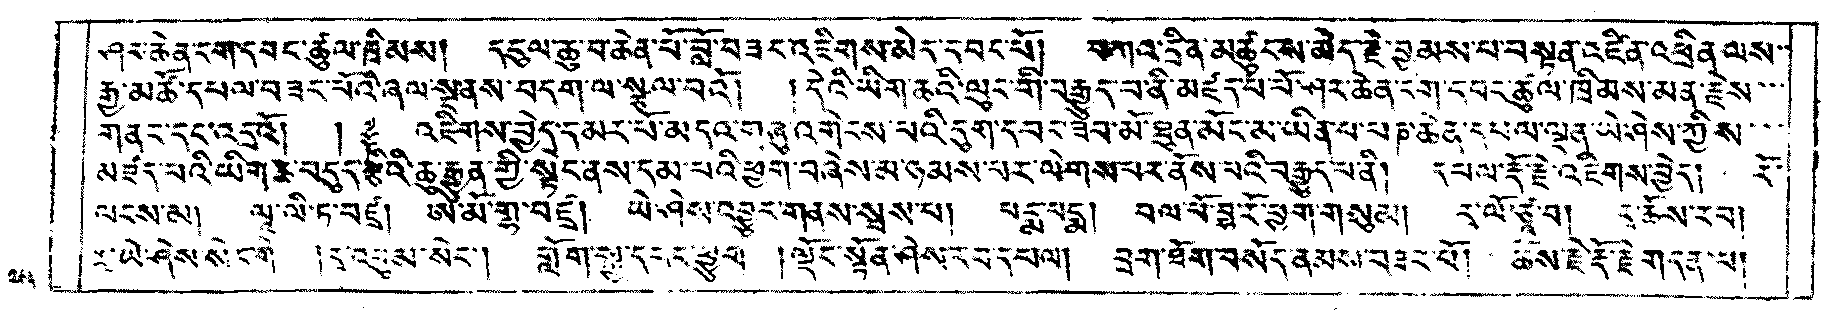ཤར་ཆེན་ངག་དབང་ཚུལ་ཁྲིམས། དངུལ་ཆུ་བ་ཆེན་པོ་བློ་བཟང་འཇིགས་མེད་དབང་པོ། བཀའ་དྲིན་མཚུངས་མེད་རྗེ་བྱམས་པ་བསྟན་འཛིན་འཕྲིན་ལས་
རྒྱ་མཚོ་དཔལ་བཟང་པོའི་ཞལ་སྔ་ནས་བདག་ལ་སྩལ་བའོ། །དེའི་ཡིག་ཆའི་ལུང་གི་བརྒྱུད་པ་ནི་མཛད་པ་པོ་ཤར་ཆེན་ངག་དབང་ཚུལ་ཁྲིམས་མན་རྗེས་
གནང་དང་འདྲའོ། ། ༈ འཇིགས་བྱེད་དམར་པོ་མདའ་གཞུ་འགེངས་པའི་དུག་དབང་ཟབ་མོ་ཐུན་མོང་མ་ཡིན་པ་པཎ་ཆེན་དཔལ་ལྡན་ཡེ་ཤེས་ཀྱིས་
མཛད་པའི་ཡིག་ཆ་བདུད་རྩིའི་ཆུ་རྒྱུན་གྱི་སྟེང་ནས་དམ་པའི་ཕྱག་བཞེས་མ་ཉམས་པར་ལེགས་པར་ནོས་པའི་བརྒྱུད་པ་ནི། དཔལ་རྡོ་རྗེ་འཇིགས་བྱེད། རོ་
ལངས་མ། ལཱ་ལི་ཏ་བཛྲ། ཨ་མོ་གྷ་བཛྲ། ཡེ་ཤེས་འབྱུང་གནས་སྦས་པ། པདམ་པདམ། བལ་པོ་བྷ་རོ་ཕྱག་གསུམ། རྭ་ལོ་ཙཱ་བ། རྭ་ཆོས་རབ།
རྭ་ཡེ་ཤེས་སེང་གེ། །རྭ་འབུམ་སེང་། གློག་སྐྱ་དབང་ཕྱུག །ལྡོང་སྟོན་ཤེས་རབ་དཔལ། བྲག་ཐོག་བསོད་ནམས་བཟང་པོ། ཆོས་རྗེ་རྡོ་རྗེ་གདན་པ།